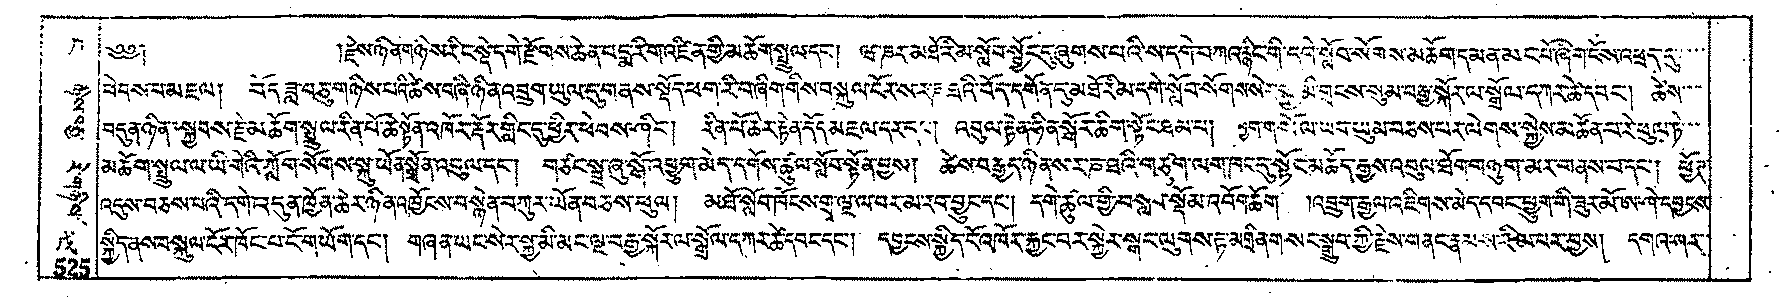༄༅། །རྗེས་ཉིན་གཉིས་རིང་སྡེ་དགེ་རྫོགས་ཆེན་པདམ་རིག་འཛིན་གྱི་མཆོག་སྤྲུལ་དང་། ཝ་ཎར་མཐོ་རིམ་སློབ་སྦྱོང་དུ་ཞུགས་པའི་ས་དགེ་བཀའ་རྙིང་གི་དགེ་སློབ་སོགས་མཆོག་དམན་མང་པོ་ཞིག་ངོས་འཕྲད་དུ་
ཕེབས་པ་མཇལ། བོད་ཟླ་བཅུ་གཉིས་པའི་ཚེས་བཞི་ཉིན་འབྲུག་ཡུལ་དུ་གནས་སྡོད་ཕག་རི་བ་ཞིག་གིས་བསྐུལ་ངོར་ས་ར་ཎ་ཐའི་བོད་དགོན་དུ་མཐོ་རིམ་དགེ་སློབ་སོགས་སེར་སྐྱ་མི་གྲངས་སུམ་བརྒྱ་སྐོར་ལ་སྒྲོལ་དཀར་ཚེ་དབང་། ཚེས་
བདུན་ཉིན་༧སྐྱབས་རྗེ་མཆོག་སྤྲུལ་རིན་པོ་ཆེ་སྟོན་འཁོར་རྡོར་གླིང་དུ་ཕྱིར་ཕེབས་ཤིང་། རིན་པོ་ཆེར་རྟེན་དོད་མཇལ་དར་དང་། འབུལ་རྟེན་ཧིན་སྒོར་ཆིག་སྟོང་ཐམ་པ། ཕྱག་གསོལ་ཡབ་ཡུམ་བཅས་པར་ལེགས་སྐྱེས་མཚོན་པ་རེ་ཕུལ་ཏེ་
མཆོག་སྤྲུལ་ལ་ཡི་གེའི་ཀློག་སོགས་སྐུ་ཡོན་སྒྲོན་འབུལ་དང་། གཙང་སྦྲ་ཞུ་སྒོ་འཕྱུག་མེད་དགོས་ཚུལ་སློབ་སྟོན་བྱས། ཚེས་བརྒྱད་ཉིན་ས་ར་ཎ་ཐའི་གཙུག་ལག་ཁང་དུ་སྟོང་མཆོད་རྒྱས་འབུལ་ཐོག་གཉུག་མར་གནས་པ་དང་། ཕྱོགས་
འདུས་བཅས་པའི་དགེ་འདུན་ཁྱོན་ཆེར་ཉིན་འཁྱོངས་བསྙེན་བཀུར་ཡོན་བཅས་ཕུལ། མཐོ་སློབ་ཁོངས་གྲྭ་ལྔ་ལ་བར་མ་རབ་བྱུང་དང་། དགེ་ཚུལ་གྱི་བསླབ་སྡོམ་འབོག་ཆོག །འབྲུག་རྒྱལ་འཇིགས་མེད་དབང་ཕྱུག་གི་ཟུར་མོ་ཨ་ཤེ་དབྱངས་
སྐྱིད་ནས་བསྐུལ་ངོར་ཁོང་པ་ངོ་གཡོག་དང་། གཞན་ཡང་སེར་སྐྱ་མི་མང་ལྔ་བརྒྱ་སྐོར་ལ་སྒྲོལ་དཀར་ཚེ་དབང་དང་། དབྱངས་སྐྱིད་ངོ་འཁོར་རྐྱང་པར་སྐྱེར་སྒང་ལུགས་རྟ་མགྲིན་གསང་སྒྲུབ་ཀྱི་རྗེས་གནང་རྣམས་རིམ་པར་བྱས། དགའ་ཤར་